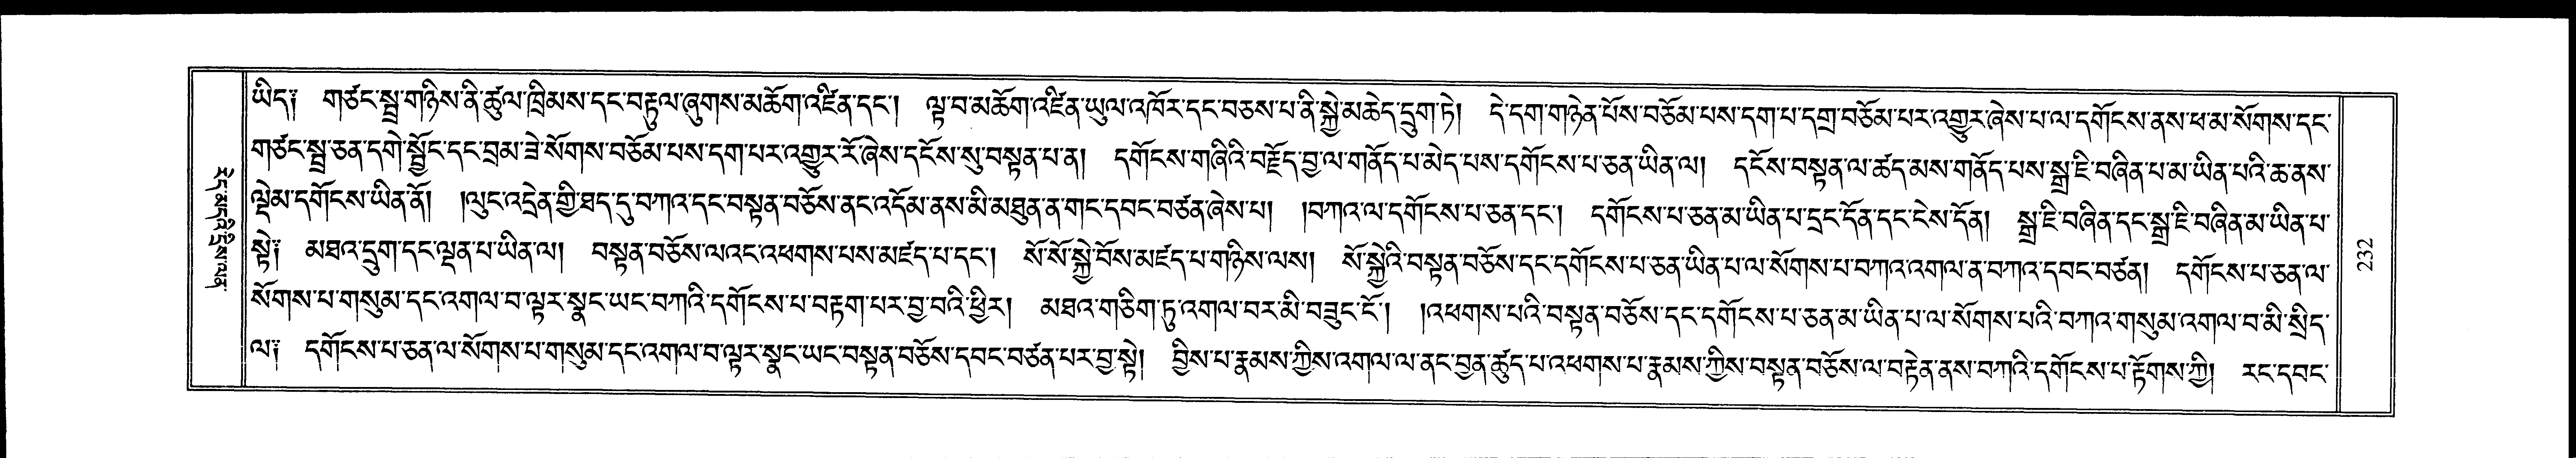ཡིད། གཙང་སྦྲ་གཉིས་ནི་ཚུལ་ཁྲིམས་དང་བརྟུལ་ཞུགས་མཆོག་འཛིན་དང་། ལྟ་བ་མཆོག་འཛིན་ཡུལ་འཁོར་དང་བཅས་པ་ནི་སྐྱེ་མཆེད་དྲུག་ཏེ། དེ་དག་གཉེན་པོས་བཅོམ་པས་དག་པ་དགྲ་བཅོམ་པར་འགྱུར་ཞེས་པ་ལ་དགོངས་ནས་ཕ་མ་སོགས་དང་
གཙང་སྦྲ་ཅན་དགེ་སྦྱོང་དང་བྲམ་ཟེ་སོགས་བཅོམ་པས་དག་པར་འགྱུར་རོ་ཞེས་དངོས་སུ་བསྟན་པ་ན། དགོངས་གཞིའི་བརྗོད་བྱ་ལ་གནོད་པ་མེད་པས་དགོངས་པ་ཅན་ཡིན་ལ། དངོས་བསྟན་ལ་ཚད་མས་གནོད་པས་སྒྲ་ཇི་བཞིན་པ་མ་ཡིན་པའི་ཆ་ནས་
ལྡེམ་དགོངས་ཡིན་ནོ། །ལུང་འདྲེན་གྱི་ཐད་དུ་བཀའ་དང་བསྟན་བཅོས་ནང་འདོམ་ནས་མི་མཐུན་ན་གང་དབང་བཙན་ཞེས་པ། །བཀའ་ལ་དགོངས་པ་ཅན་དང་། དགོངས་པ་ཅན་མ་ཡིན་པ་དྲང་དོན་དང་ངེས་དོན། སྒྲ་ཇི་བཞིན་དང་སྒྲ་ཇི་བཞིན་མ་ཡིན་པ་
སྟེ། མཐའ་དྲུག་དང་ལྡན་པ་ཡིན་ལ། བསྟན་བཅོས་ལའང་འཕགས་པས་མཛད་པ་དང་། སོ་སོ་སྐྱེ་བོས་མཛད་པ་གཉིས་ལས། སོ་སྐྱེའི་བསྟན་བཅོས་དང་དགོངས་པ་ཅན་ཡིན་པ་ལ་སོགས་པ་བཀའ་འགལ་ན་བཀའ་དབང་བཙན། དགོངས་པ་ཅན་ལ་
སོགས་པ་གསུམ་དང་འགལ་བ་ལྟར་སྣང་ཡང་བཀའི་དགོངས་པ་བརྟག་པར་བྱ་བའི་ཕྱིར། མཐའ་གཅིག་ཏུ་འགལ་བར་མི་བཟུང་ངོ། །འཕགས་པའི་བསྟན་བཅོས་དང་དགོངས་པ་ཅན་མ་ཡིན་པ་ལ་སོགས་པའི་བཀའ་གསུམ་འགལ་བ་མི་སྲིད་
ལ། དགོངས་པ་ཅན་ལ་སོགས་པ་གསུམ་དང་འགལ་བ་ལྟར་སྣང་ཡང་བསྟན་བཅོས་དང་དབང་བཙན་པར་བྱ་སྟེ། བྱིས་པ་རྣམས་ཀྱིས་འགལ་ལ་ནང་བྱན་ཚུད་པ་འཕགས་པ་རྣམས་ཀྱིས་བསྟན་བཅོས་ལ་བརྟེན་ནས་བཀའི་དགོངས་པ་རྟོགས་ཀྱི། རང་དབང་